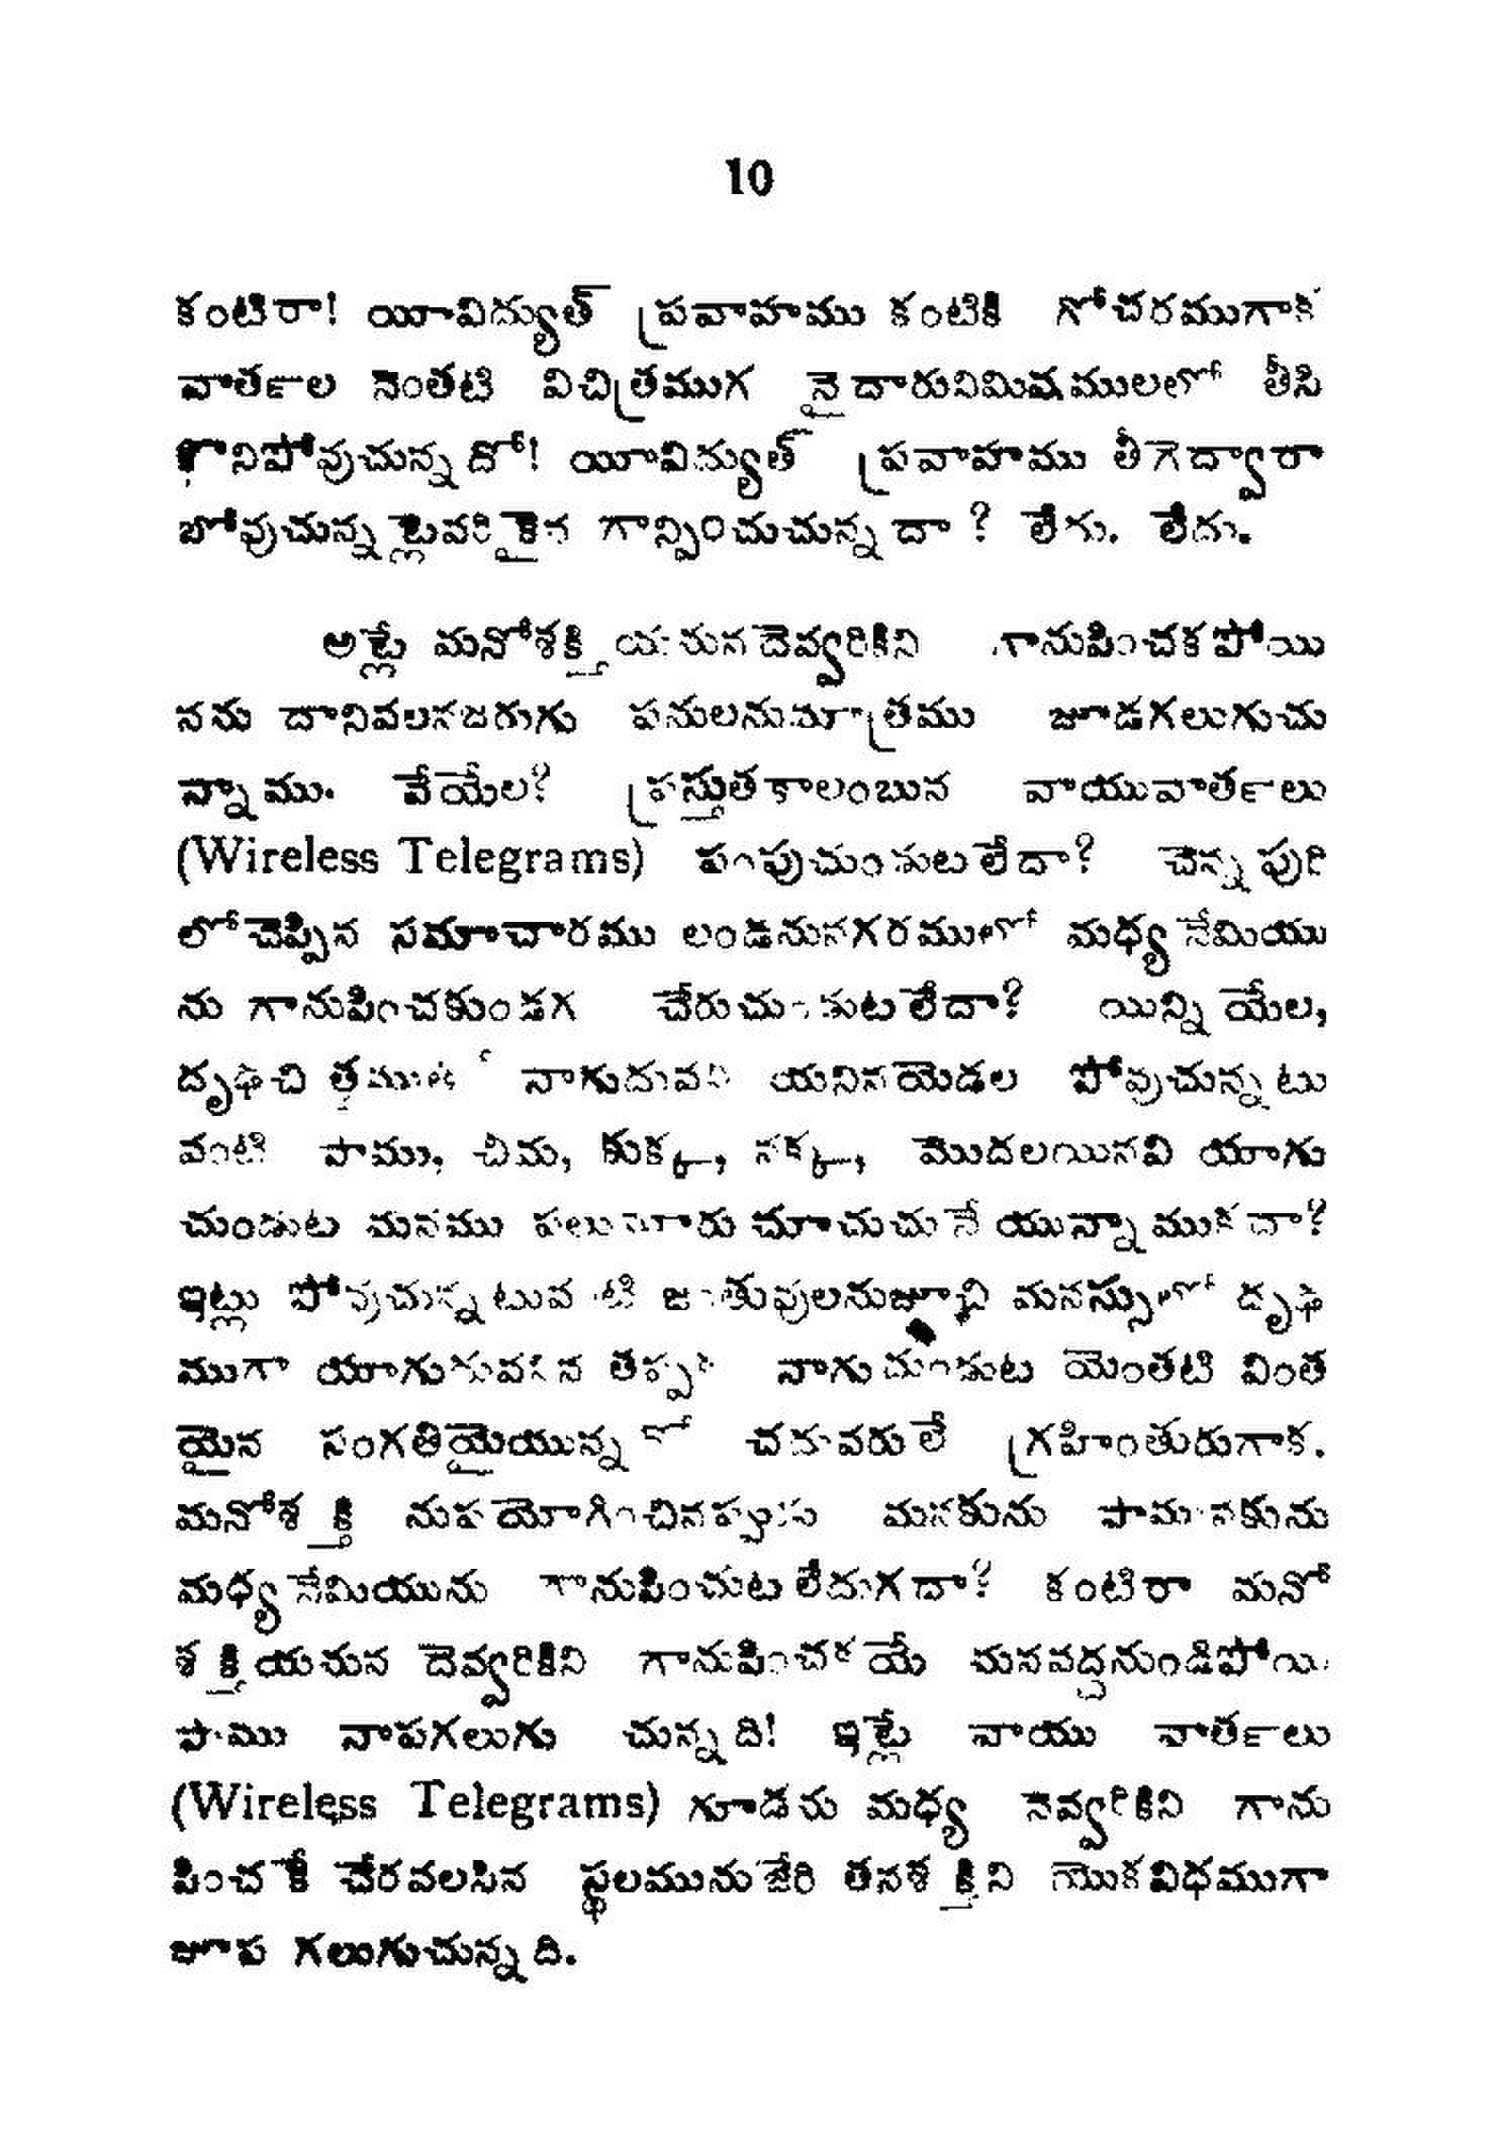కంటిరా! యీవిద్యుత్ ప్రవాహము కంటికి గోచరముగాక వార్తల నెంతటి విచిత్రముగ నైదారు నిమిషములలో తీసికొనిపోవుచున్న దో! యీవిద్యుత్ ప్రవాహము తీగెద్వారా బోవుచున్నట్లెవరికైన గాన్పించుచున్నదా ? లేదు. లేదు.

అట్లే మనోశక్తి యనునదెవ్వరికిని కానుపించకపోయినను దానివలనజరుగు పనులనుమాత్రము జూడగలుగుచున్నాము. వేయేల? ప్రస్తుతకాలంబున వాయువాతన్‌లు (Wireless Telegrams) పంపుచుండుటలేదా? చెన్నపురిలోచెప్పిన సమాచారము లండనునగరములో మధ్య నేమియును గానుపించకుండగ చేరుచుండుటలేదా? యిన్నియేల, దృఢచిత్తముతో నాగుదవని యనినయెడల పోవుచున్నటువంటి పాము, చీమ, కుక్క, నక్క, మొదలయినవి యాగుచుండుట మనము పలుమారు చూచుచునే యున్నాముకదా? ఇట్లు పోవుచున్నటువంటి జంతువులనుజూచి మనస్సులో దృఢముగా యాగుదువనిన తప్పక నాగుచుండుట యెంతటి వింతయైన సంగతియైయున్నదో చదువరులే గ్రహింతురుగాక. మనోశక్తి నుపయోగించినప్పుప మనకును పామునకును మధ్యనేమియును గానుపించుట లేదుగదా? కంటిరా మనోశక్తియనున దెవ్వరికిని గానుపించకయే మనవద్దనుండిపోయి పాము నాపగలుగు చున్నది! ఇట్లే వాయు వార్తలు (Wireless Telegrams) గూడను మధ్య నెవ్వరికిని గానుపించకే చేరవలసిన స్థలమునుజేరి తనశక్తిని యొకవిధముగా జూప గలుగుచున్నది.